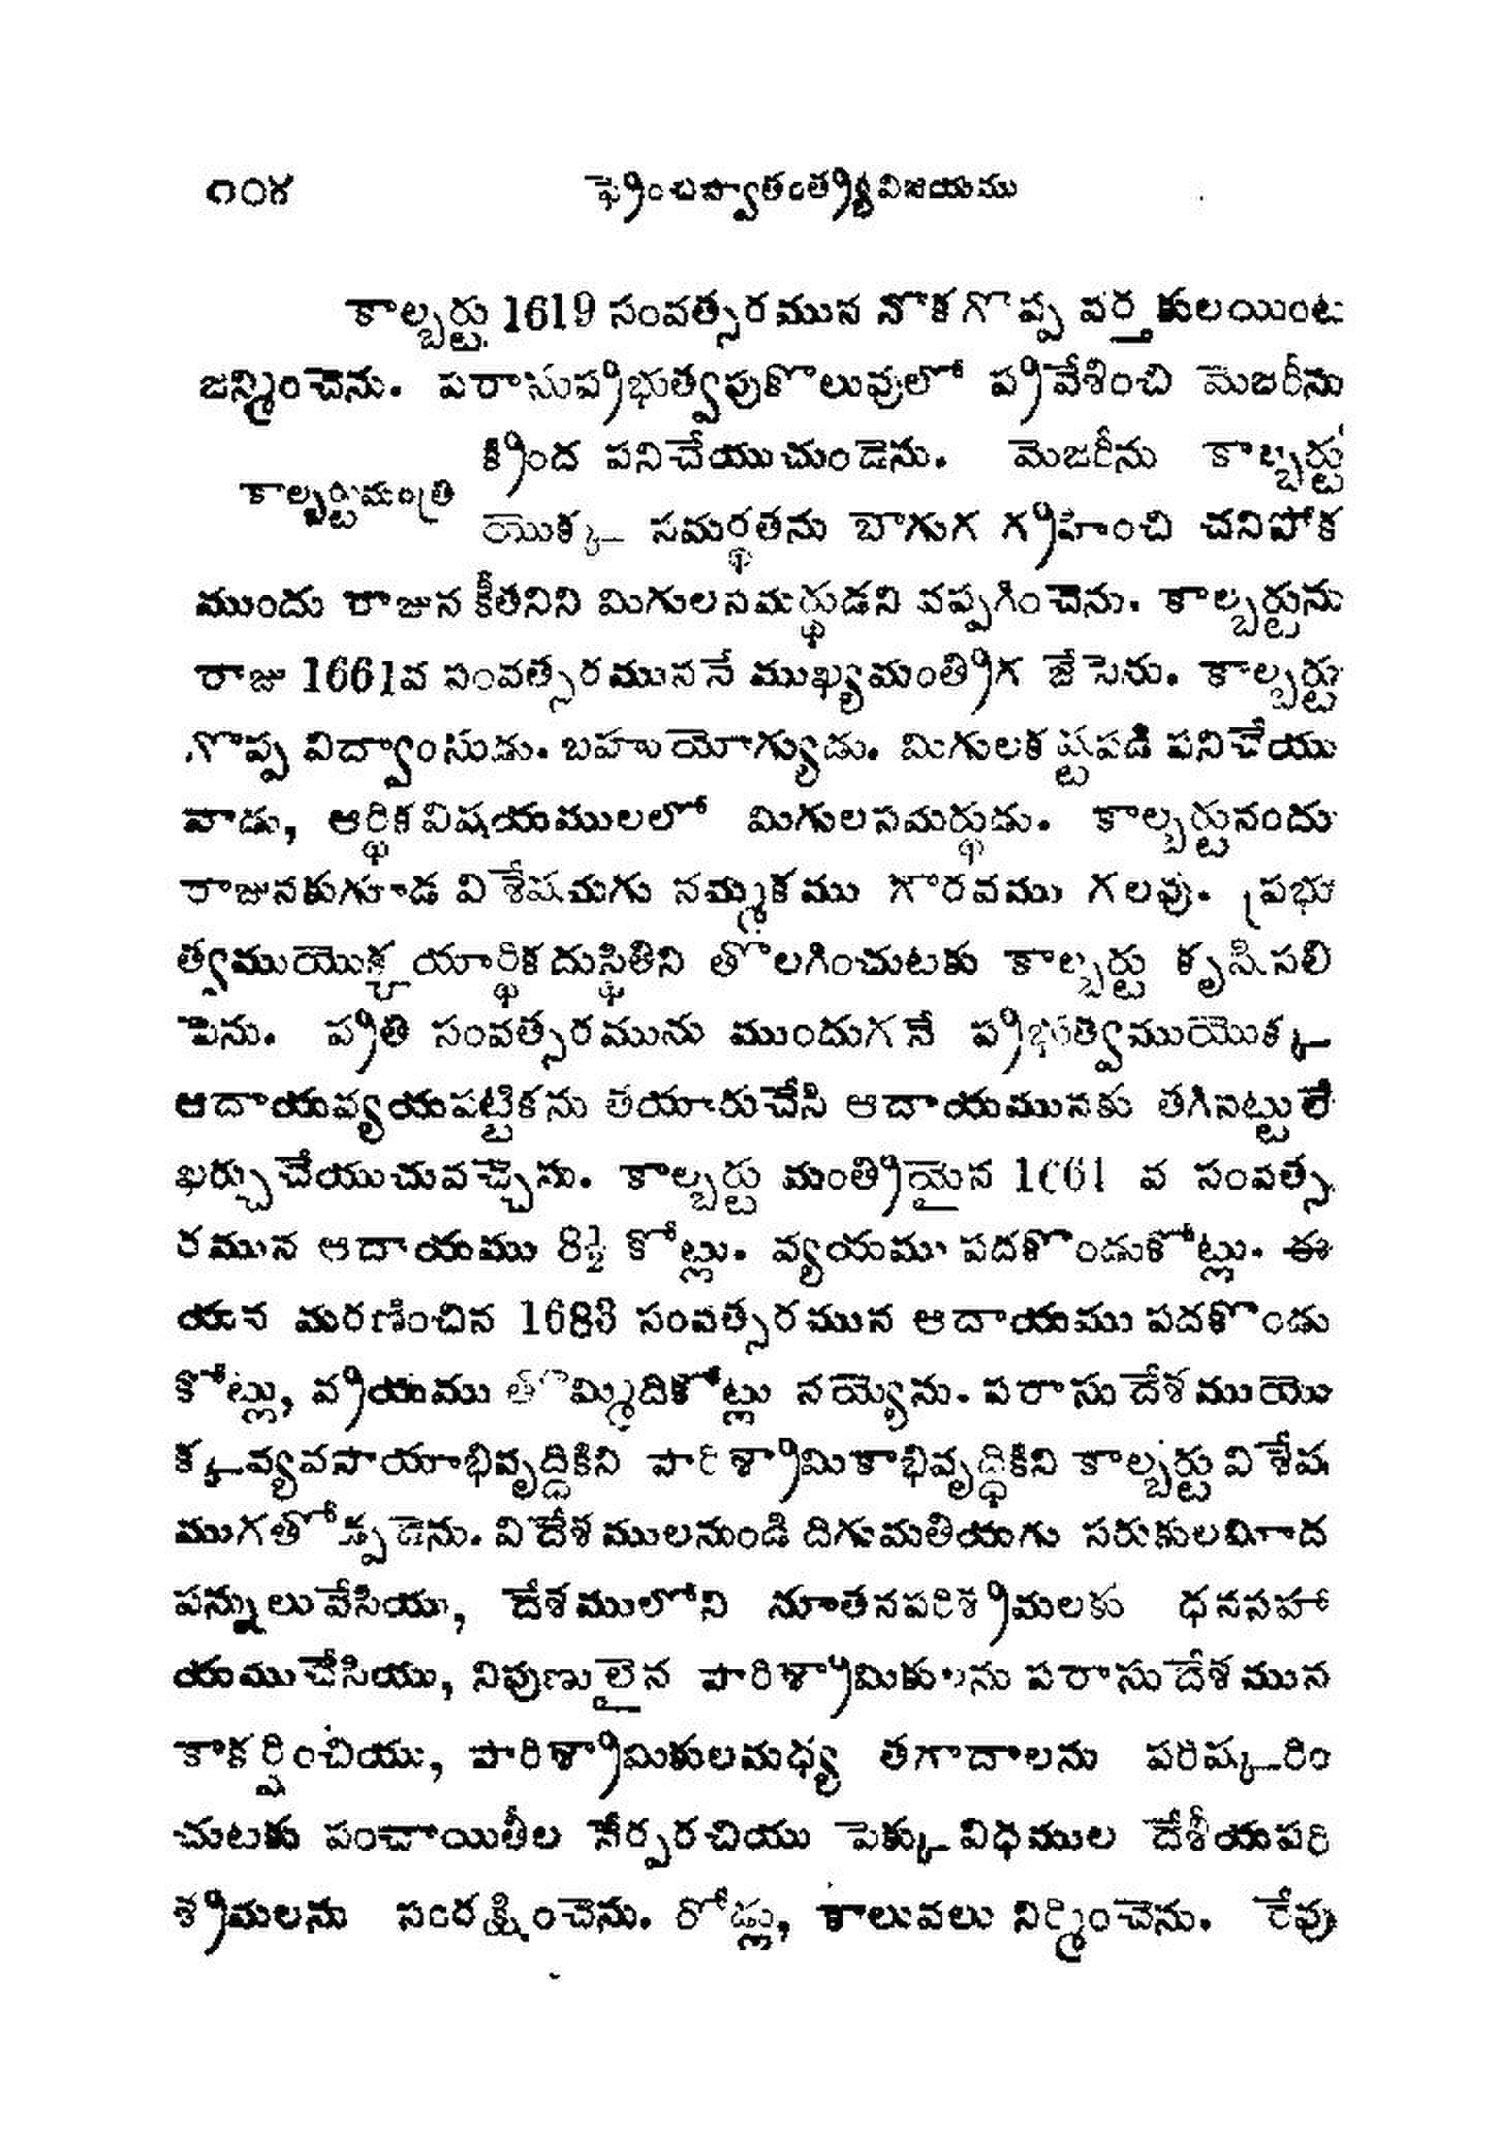కాల్పర్టు మంత్రి

కాల్బర్టు 1619 సంవత్సరమున నొక గొప్ప వర్తకులయింట
జన్మించెను. పరాసు ప్రభుత్వపు కొలువులో ప్రవేశించి మెజరీసు
క్రింద పనిచేయు చుండెను. మెజరీను కాబర్టు
యొక్క సమర్థతను బాగుగ గ్రహించి చని పోక
ముందు రోజున కీతనిని మిగుల సమర్థుడని వప్పగించెను. కాల్బర్టును
రాజు 1661వ సంవత్సరముననే ముఖ్యమంత్రి జేసెను.
గొప్ప విద్వాంసుడు. బహు యోగ్యుడు. మిగుల కష్టపడి పనిచేయు
వాడు, ఆర్థిక విషయములలో మిగుల సమర్థుడు. కాల్బర్టు నందు
రాజునకు గూడ విశేషమగు నమ్మకము గౌరవము గలవు. ప్రభు
త్వము యొక్క యార్థిక దుస్థితిని తొలగించుటకు కాల్బర్టు కృషి సలి
పెను. ప్రతి సంవత్సరమును ముందుగనే ప్రభుత్వము యొక్క
ఆదాయ వ్యయపట్టికను తయారుచేసి ఆదాయమునకు తగినట్టులే
ఖర్చు చేయుచు వచ్చెసు. కాల్బర్టు మంత్రి యైన 1661 వ సంవత్స
రమున ఆదాయము 8 1/2 కోట్లు. వ్యయము పదకొండుకోట్లు. ఈ
యన మరణించిన 1683 సంవత్సరమున ఆదాయము పదకొండు
కోట్లు, వ్యయము తోమ్మిది కోట్లు నయ్యెను. పరాసు దేశముయొ
క్క వ్యవసాయాభివృద్ధికిని పారిశ్రామికాభివృద్ధికిని కాల్బర్టు విశేష
ముగ తోడ్పడెను. విదేశముల నుండి దిగుమతియగు సరుకుల మీద
పన్నులు వేసియ, దేశములోని నూతన పరిశ్రమలకు ధనసహా
యము చేసియు, నిపుణులైన పారిశ్రామికులను పరాసు దేశమున
కాకర్షించియు, పారిశ్రామికుల మధ్య తగాదాలను పరిష్కరిం
చుటకు పంచాయితీల నేర్పరచియు పెక్కు విధముల దేశీయపరి
శ్రమలను సంరక్షించెను. రోడ్లు, కాలువలు నిర్మించెను. రేవు